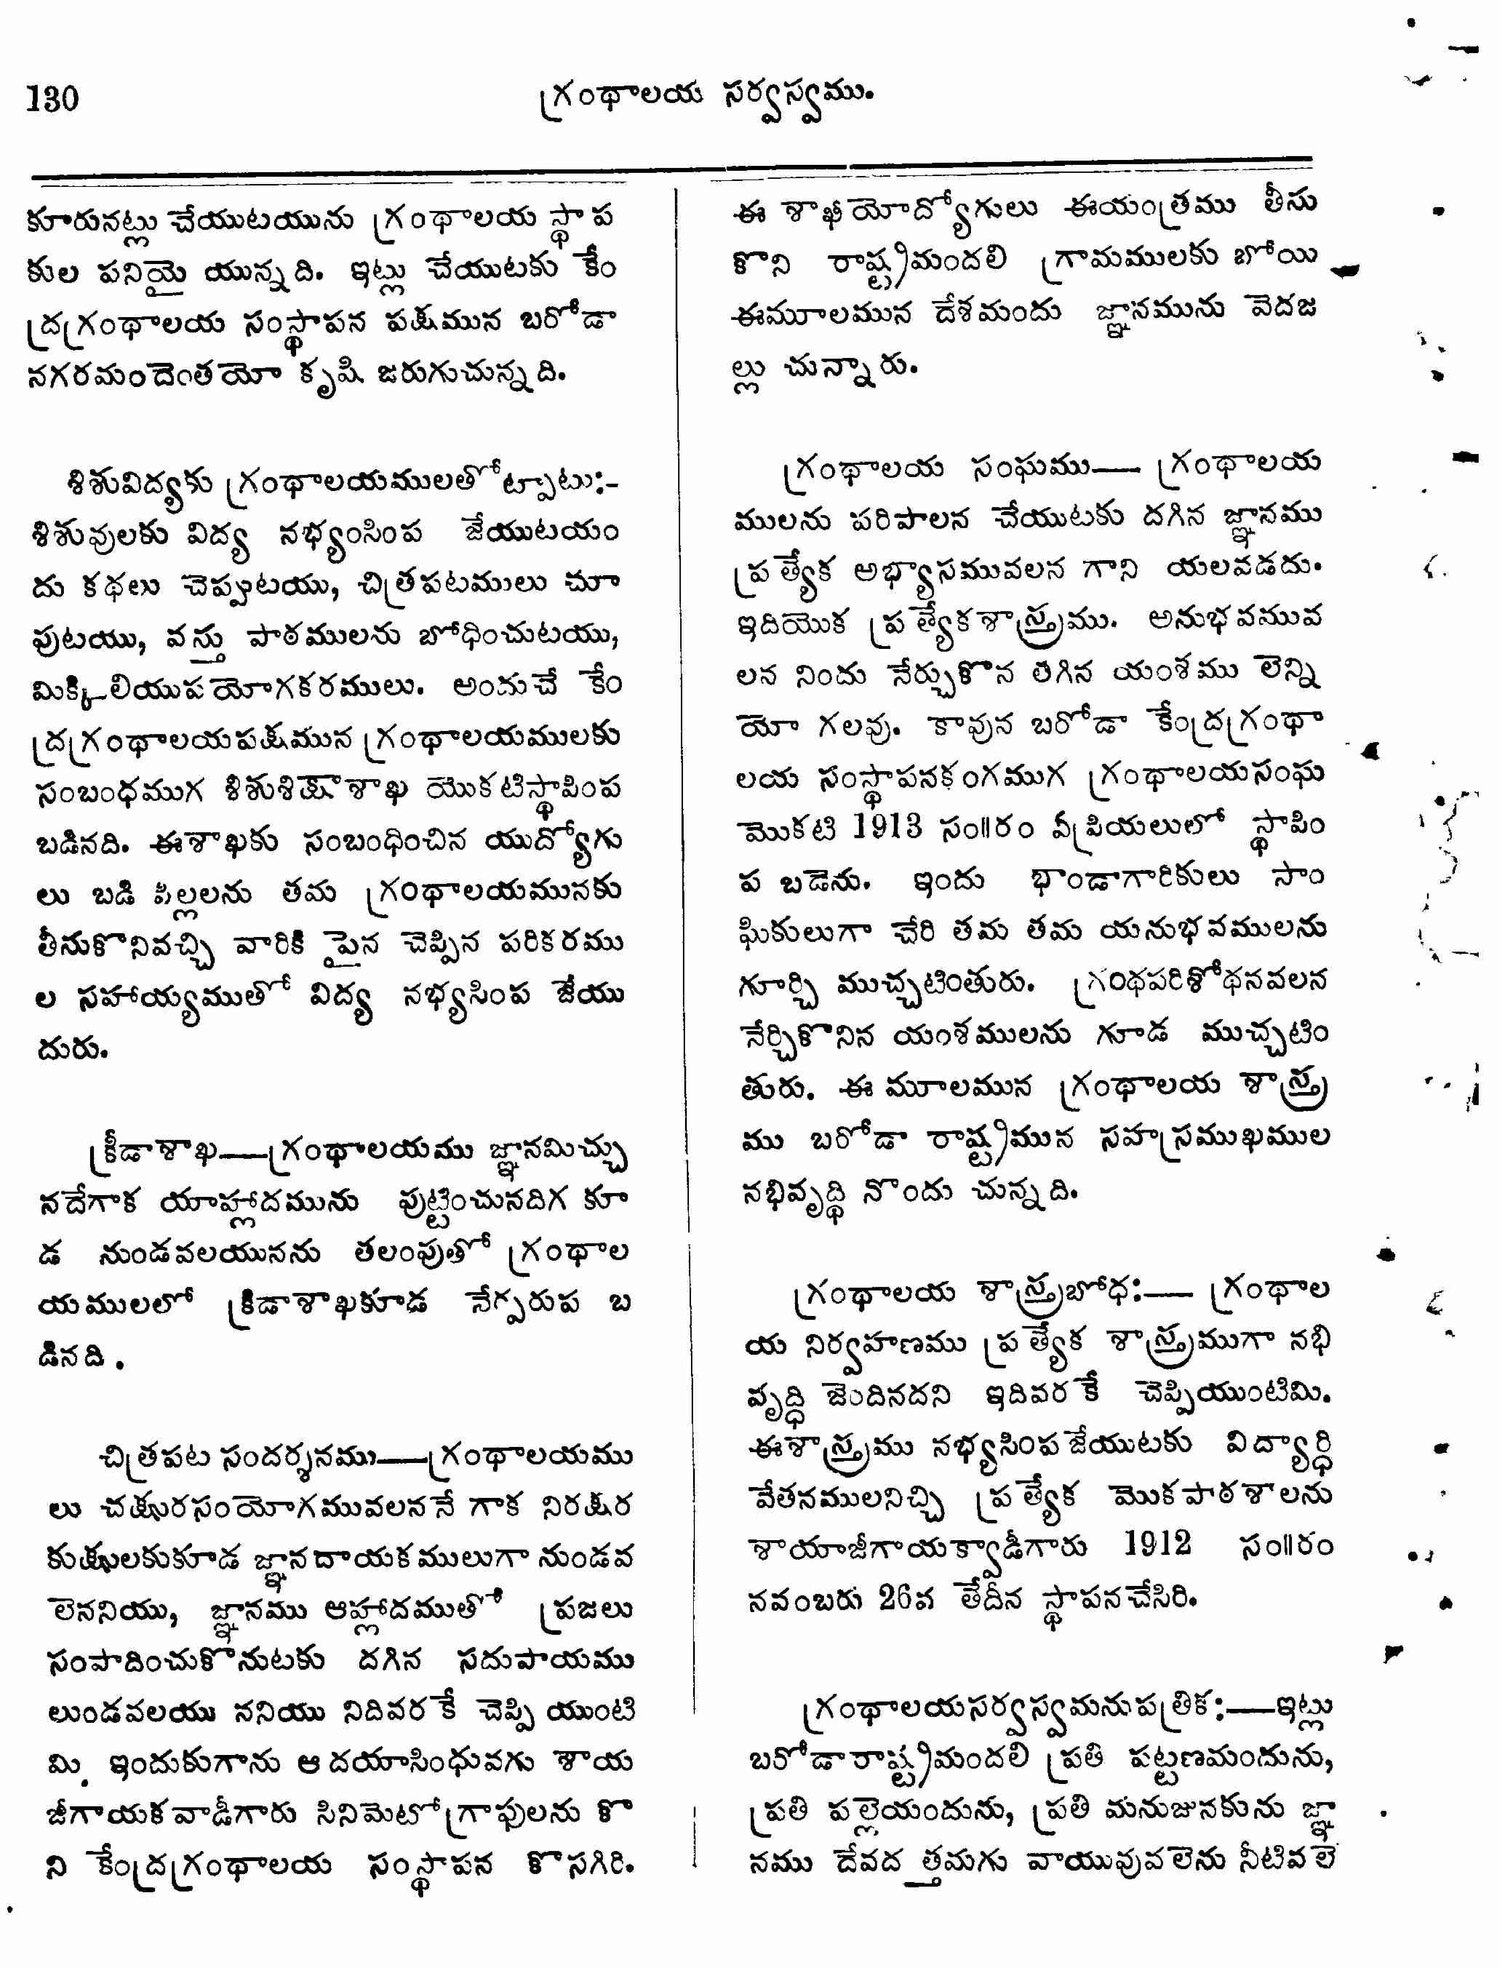కూరునట్లు చేయుటయును గ్రంథాలయ స్థాపకుల పనియై యున్నది. ఇట్లు చేయుటకు కేంద్ర గ్రంథాలయ సంస్థాపన పక్షమున బరోడా నగరమందెంతయో కృషి జరుగుచున్నది.

శిశువిద్యకు గ్రంథాలయముల తోట్పాటు:- శిశువులకు విద్య నభ్యంసింప జేయుటయందు కథలు చెప్పుటయు, చిత్రపటములు చూపుటయు, వస్తు పాఠములను బోధించుటయు, మిక్కి_లి యుపయోగకరములు. అందుచే కేంద్రగ్రంథాలయ పక్షమున గ్రంథాలయములకు
సంబంధముగ శిశుశిక్షా శాఖ యొకటి స్థాపింపబడినది. ఈశాఖకు సంబంధించిన యుద్యోగులు బడి పిల్లలను తమ గ్రంథాలయమునకు తీసుకొనివచ్చి వారికి పైన చెప్పిన పరికరము సహాయ్యముతో విద్య నభ్యసింప జేయుదురు.

క్రీడాశాఖ-గ్రంథాలయము జ్ఞానమిచ్చునదేగాక యాహ్లాదమును పుట్టించునదిగ కూడ నుండవలయునను తలంపుతో గ్రంథాలయములలో క్రీడాశాఖ కూడ నేర్పురుపబడినది.

చిత్రపట సందర్శనము-గ్రంథాలయములు చక్షురసంయోగమువలననే గాక నిరక్షరకుక్షులకుకూడ జ్ఞానదాయకములుగా నుండవలెననియు, జ్ఞానము ఆహ్లాదముతో ప్రజలు 
సంపాదించుకొనుటకు దగిన సదుపాయములుండవలయుననియు నిదివరకే చెప్పి యుంటిమి. ఇందుకుగాను ఆ దయాసింధువగు శాయజీగాయకవాడీగారు సినిమెటోగ్రాఫులను కొని కేంద్ర గ్రంథాలయ సంస్థాపన కొసగిరి.
ఈ శాఖీయోద్యోగులు ఈ యంత్రము తీసుకొని రాష్ట్రమందలి గ్రామములకు బోయి
ఈమూలమున దేశమందు జ్ఞానమును వెదజల్లు చున్నారు.

గ్రంథాలయ సంఘము—గ్రంథాలయములను పరిపాలన చేయుటకు దగిన జ్ఞానము
ప్రత్యేక అభ్యాసమువలన గాని యలవడదు.
ఇదియొక ప్రత్యేక శాస్త్రము. అనుభవము వలన నిందు నేర్చుకొన తగిన యంశము లెన్నియో గలవు. కావున బరోడా కేంద్ర గ్రంథాలయ సంస్థాపనకంగముగ గ్రంథాలయ సంఘమొకటి 1913 సం॥రం ఏప్రియలులో స్థాపింపబడెను. ఇందు భాండాగారికులు సాంఘికులుగా చేరి తమ తమ యనుభవములను
గూర్చి ముచ్చటింతురు. గ్రంథపరిశోధన వలన
నేర్చికొనిన యంశములను గూడ ముచ్చటిం
తురు. ఈ మూలమున గ్రంథాలయ శాస్త్రము బరోడా రాష్ట్రమున సహస్రముఖములు
నభివృద్ధి నొందు చున్నది.

గ్రంథాలయ శాస్త్రబోధ:- గ్రంథాలయ నిర్వహణము ప్రత్యేక శాస్త్రముగా నభివృద్ధి చెందినదని ఇదివరకే చెప్పియుంటిమి.
ఈశాస్త్రము నభ్యసింప జేయుటకు విద్యార్ధి
వేతనములనిచ్చి ప్రత్యేక మొక పాఠశాలను
శాయాజీగాయక్వాడీగారు 1912 సం॥రం
నవంబరు 26వ తేదీన స్థాపన చేసిరి.

గ్రంథాలయసర్వస్వమను పత్రిక:—ఇట్లు
బరోడా రాష్ట్రమందలి ప్రతి పట్టణమందును,
ప్రతి పల్లెయందును, ప్రతి మనుజునకును జ్ఞానము దేవదత్తమగు వాయువువలెను నీటివలె